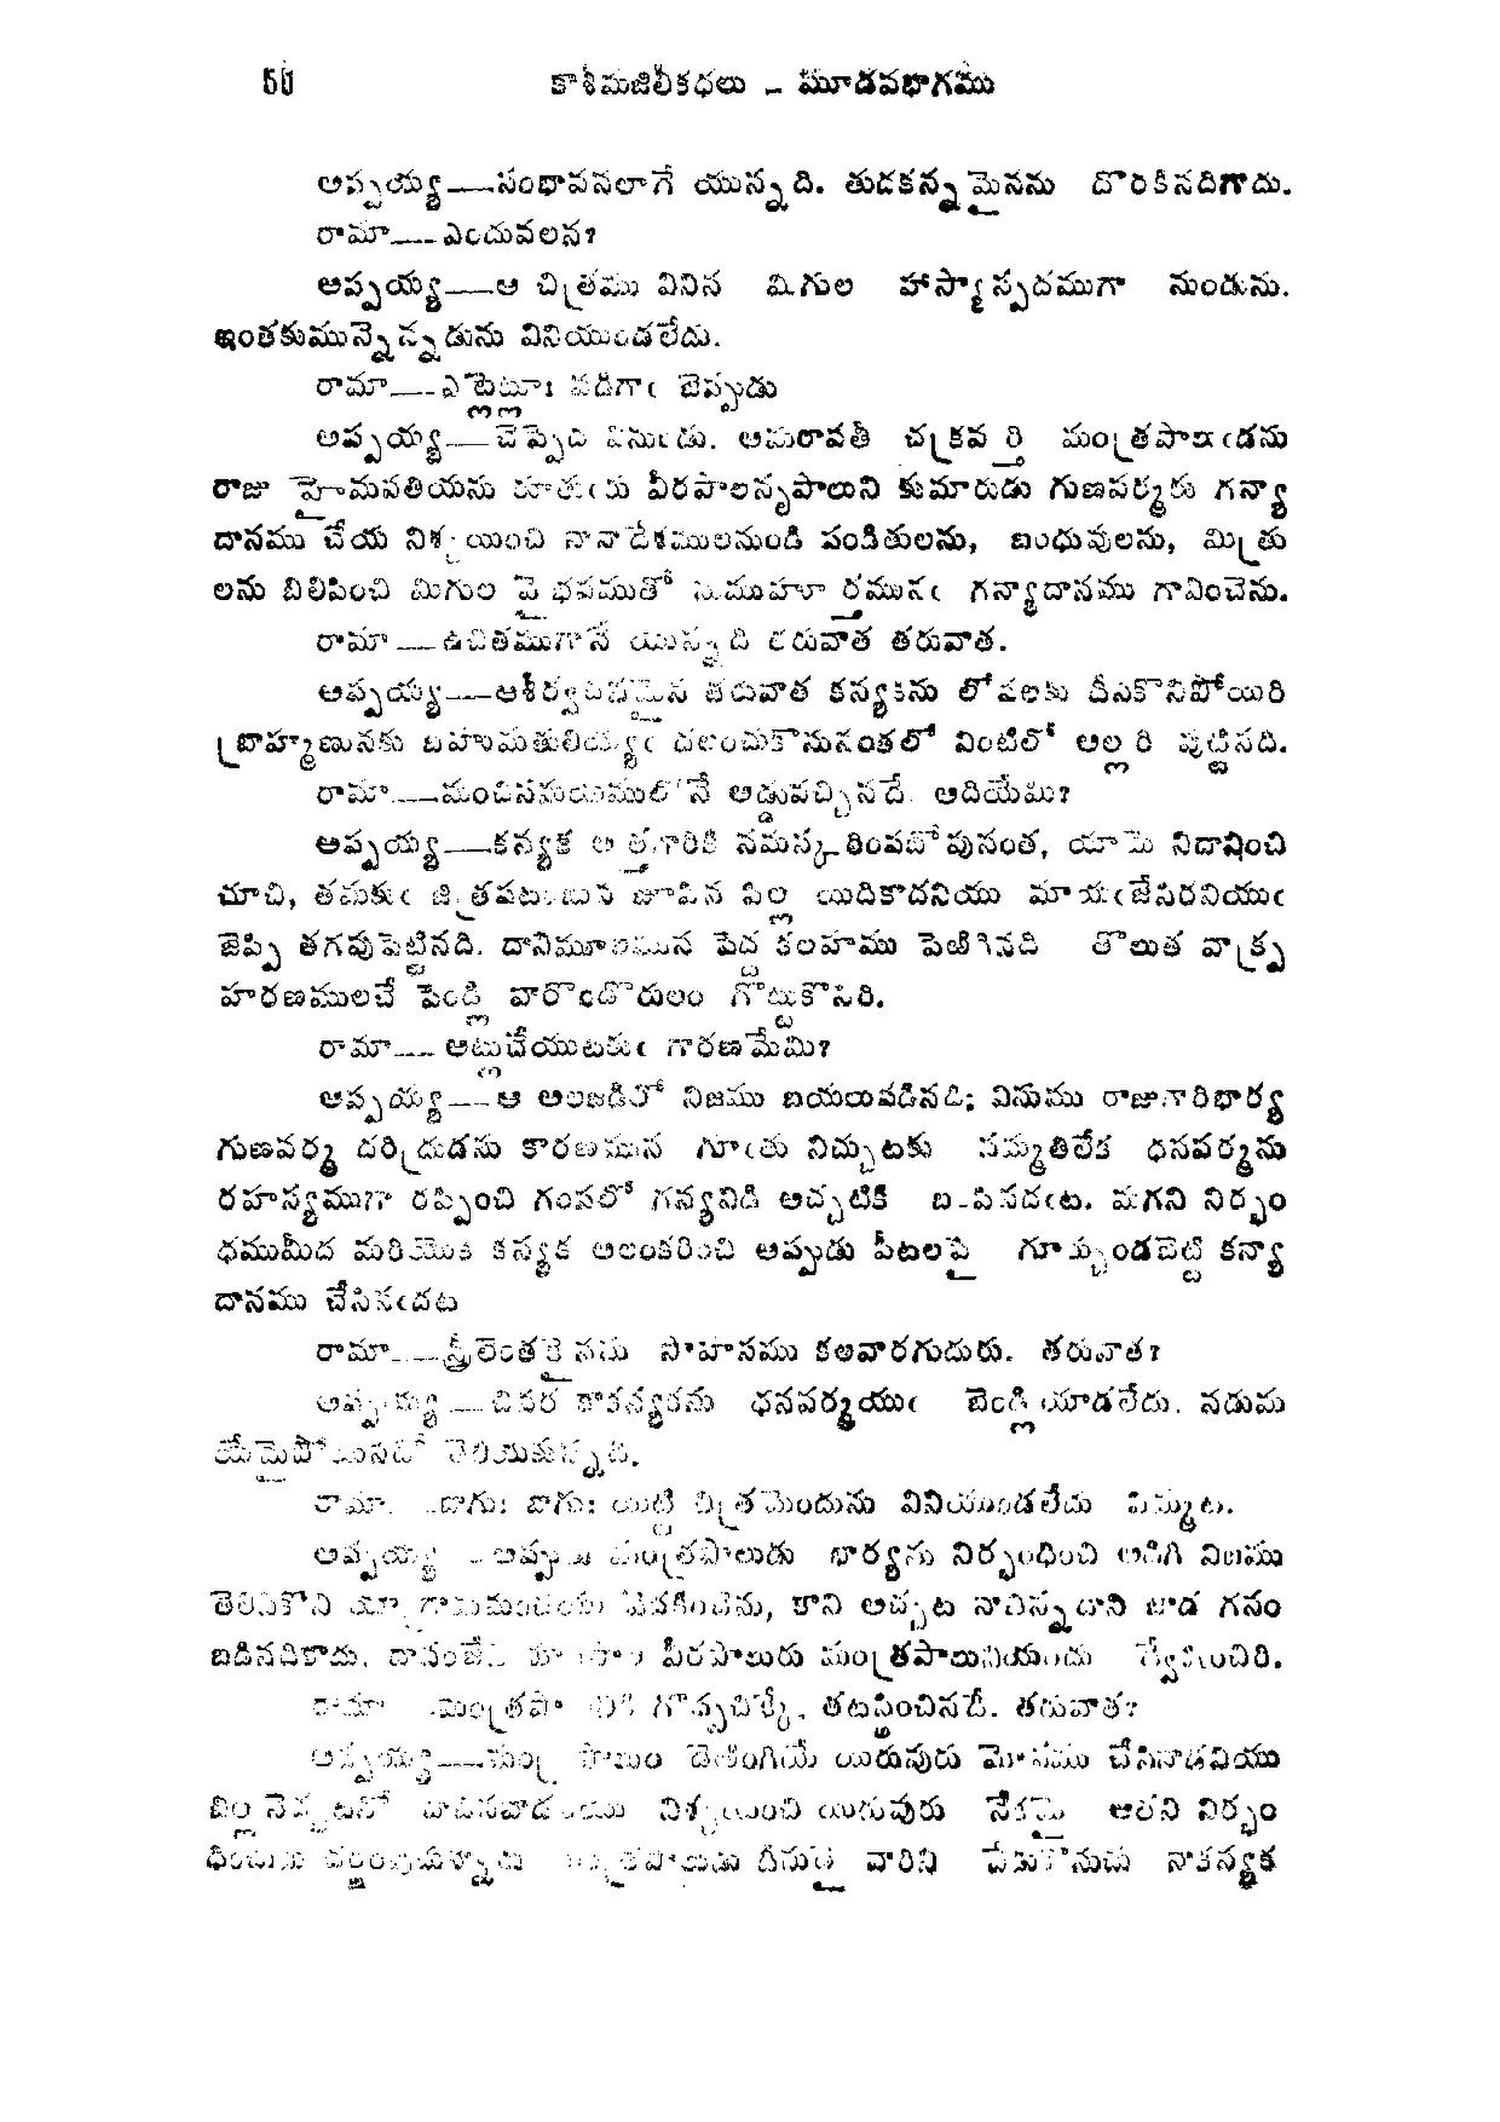అప్పయ్య - సంభావనలాగే యున్నది. తుద కన్న మైనను దొరకినదిగాదు.

రామా - ఎందువలన?

అప్పయ్య - ఆ చిత్రము వినిన మిగుల హాస్యాస్పదముగా నుండును. ఇంతకుము న్నెన్నడును వినియుండలేదు.

రామా - ఎట్లెట్లూ? వడిగాఁ జెప్పుడు.

అప్పయ్య - చెప్పెద వినుడు. అమరావతీ చక్రవర్తి మంత్రపాలుఁడను రాజు హైమవతియను కూతుఁరు వీరపాలనృపాలుని కుమారుడు గుణవర్మకు గన్యాదానము చేయ నిశ్చయించి నానాదేశములనుండి పండితులను, బంధువులను, మిత్రులను బిలిపించి మిగుల వైభవముతో సుముహూర్తమునఁ గన్యాదానము గావించెను.

రామా - ఉచితముగానే యున్నది తరువాత తరువాత.

అప్పయ్య - ఆశీర్వచనమైన తరువాత కన్యకను లోపలకు దీసికొనిపోయిరి బ్రాహ్మణునకు బహుమతు లియ్యఁదలంచుకొనునంతలో నింటిలో అల్లరి పుట్టినది.

రామా - మంచిసమయములోనే అడ్డువచ్చినదే. అదియేమి?

అప్పయ్య - కన్యక అత్తగారికికి నమస్కరింపబోవునంత, యామె నిదానించి చూచి, తమకుఁ జిత్రపటంబున జూపిన పిల్ల యిదికా దనియు మాయఁజేసిరనియుఁ జెప్పి తగవుపెట్టినది. దానిమూలమున పెద్ద కలహము పెఱిగినది తొలుత వాక్ప్రహరణములచే పెండ్లివా రొండొరులం గొట్టుకొనిరి.

రామా - అట్లుచేయుటకుఁ గారణమేమి?

అప్పయ్య - ఆ అలజడిలో నిజము బయలుపడినది; వినుము రాజుగారిభార్య గుణవర్మ దరిద్రుడను కారణమున గూఁతు నిచ్చుటకు సమ్మతిలేక ధనవర్మను రహస్యముగా రప్పించి గంపలో గన్యనిడి అచ్చటికి బంపినదఁట. మగని నిర్భంధముమీద మరియొక కన్యక అలంకరించి అప్పుడు పీటలపై గూర్చుండబెట్టి కన్యాదానము చేసినఁదట

రామా - స్త్రీలెంతకైనను సాహసము కలవారగుదురు. తరువాత?

అప్పయ్య - చివర కాకన్యకను ధనవర్మయుఁ బెండ్లియాడలేదు. నడుమ యేమైపోయినదో తెలియకున్నది.

రామా - బాగు! బాగూ! యిట్టి చిత్రమెందును వినియుండలేదు పిమ్మట.

అప్పయ్య - అప్పుడు మంత్రపాలుడు భార్యను నిర్బంధించి అడిగి నిజము తెలిసికొని యాగ్రామమంతయు వెదకించెను, కాని అచ్చట నాచిన్నదాని జాడ గనంబడినదికాదు. దానంజేసి శూరపాల వీరపాలురు మంత్రపాలునియందు ద్వేషించిరి.

రామా - మంత్రపాలునికి గొప్పచిక్కే తటస్థించినదే. తరువాత ?

అప్పయ్య - మంత్రపాలుం డెఱింగియే యిరువురు మోసము చేసినాడనియు బిల్ల నెచ్చటనో దాచినవాడనియు నిశ్చయించి యిరువురు నేకమై అతని నిర్భంధించుచుదర్జించుచున్నారు. మంత్రపాలుడు దీనుడై వారిని వేడుకొనుచు నాకన్యక